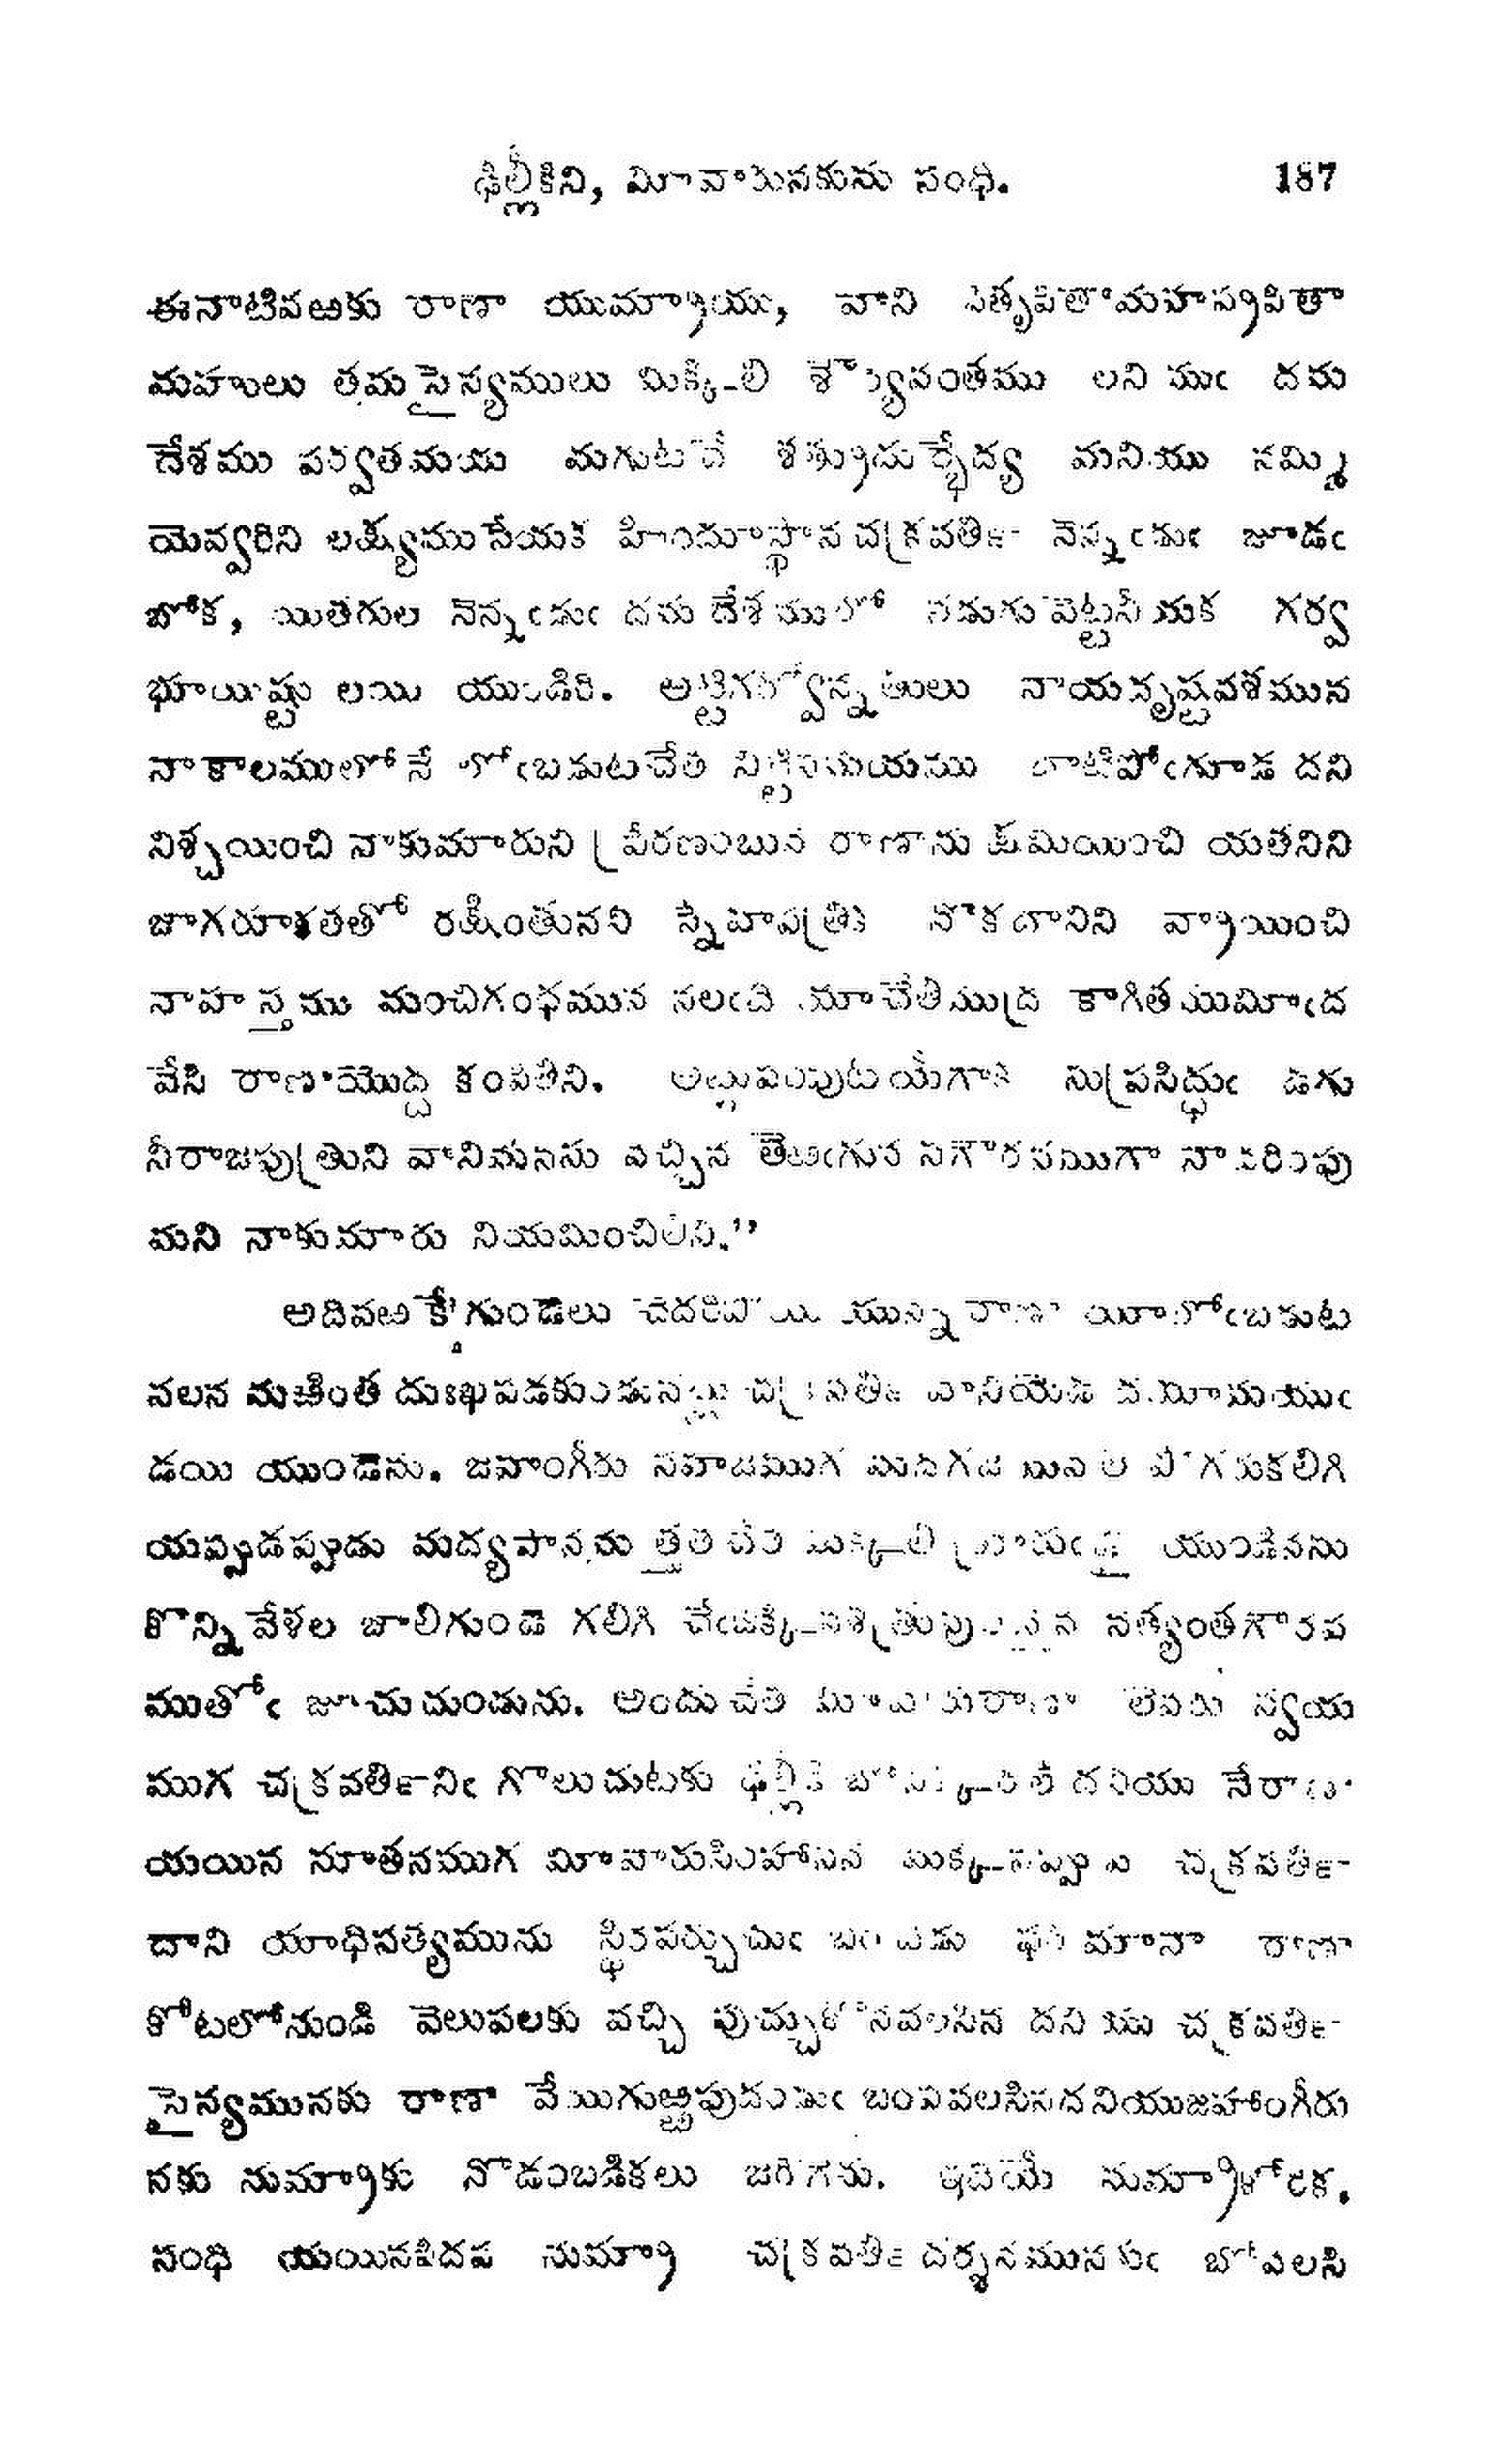ఈనాటివఱకు రాణా యుమ్రాయు, వాని పితృపితామహప్రపితామహులు తమ సైన్యములు మిక్కిలి శౌర్యవంతము లనియుఁ దమ దేశము పర్వతమయ మగుటచే, శత్రుదుర్భేద్యమనియు నమ్మి యెవ్వరిని లక్షము సేయక హిందుస్థాన చక్రవతి౯ నెన్నఁడుఁ జూడఁబోక, యితరుల నెన్నఁడుఁ దమ దేశములో నడుగు పెట్టనీయక గర్వభూయిష్టు లయి యుండిరి. అట్టిగర్వోన్నతులు నాయదృష్టవశమున నాకాలములోనే లోఁబడుటచేత నిట్టి సమయము దాటిపోఁగూడ దని నిశ్చయించి నాకుమారుని ప్రేరణంబున రాణాను క్షమియించి యతనిని జాగరూకతతో రక్షింతునని స్నేహపత్రిక నొకదానిని వ్రాయించి నాహస్తము మంచి గంధమున నలఁచి యాచేతిముద్ర కాగితముమీఁద వేసి రాణా యొద్ద కంపితిని. అట్లు పంపుటయేగాక సుప్రసిద్ధుఁ డగు నీరాజపుత్రుని వానిమనసు వచ్చిన తెఱఁగున సగౌరవముగా నాదరింపుమని నాకుమారు నియమించితిని."

అదివఱకే గుండెలు చెదరిపోయి యున్న రాణా యీలోఁబడుట వలన మఱింత దుఃఖపడకుండు నట్లు చక్రవతి౯ వానియెడ దయామయుఁడయి యుండెను, జహంగీరు సహజముగ మదగజముల వలె పోగరుకలిగి
యప్పుడప్పుడు మద్యపాన నుత్తత చేత మిక్కిలి క్రూరుఁడై యుండినను కొన్ని వేళల జాలిగుండె గలిగి చేజిక్కిన శత్రువులనైన నత్యంత గౌరవముతోఁ జూచు చుండును. అందు చేత మీవారు రాణా లెవరు స్వయముగ చక్రవతి౯నిఁ గొలుచుటకు డిల్లీకి బోనక్కరలేదనియు నేరాజ యయిన నూతనముగ మీవారు సింహాసన మెక్కినప్పుడు చక్రవతి౯ దాని యాధిపత్యమును స్థిరపర్చుచుఁ బంపెడు ఫర్ మానా రాణా కోటలోనుండి వెలుపలకు వచ్చి పుచ్చుకోనవలసినదనియు చక్రవతి౯ సైన్యమునకు రాణా వేయిగుఱ్ఱపుదండుఁ బంపవలసినదనియు జహాంగీరునకు నుమ్రాకు నొడంబడికలు జరిగెను. ఇదియే నుమ్రా కోరిక, సంధి యయినపిదప నుమ్రా చక్రవతి౯ దర్శనమునకుఁ బోవలసి